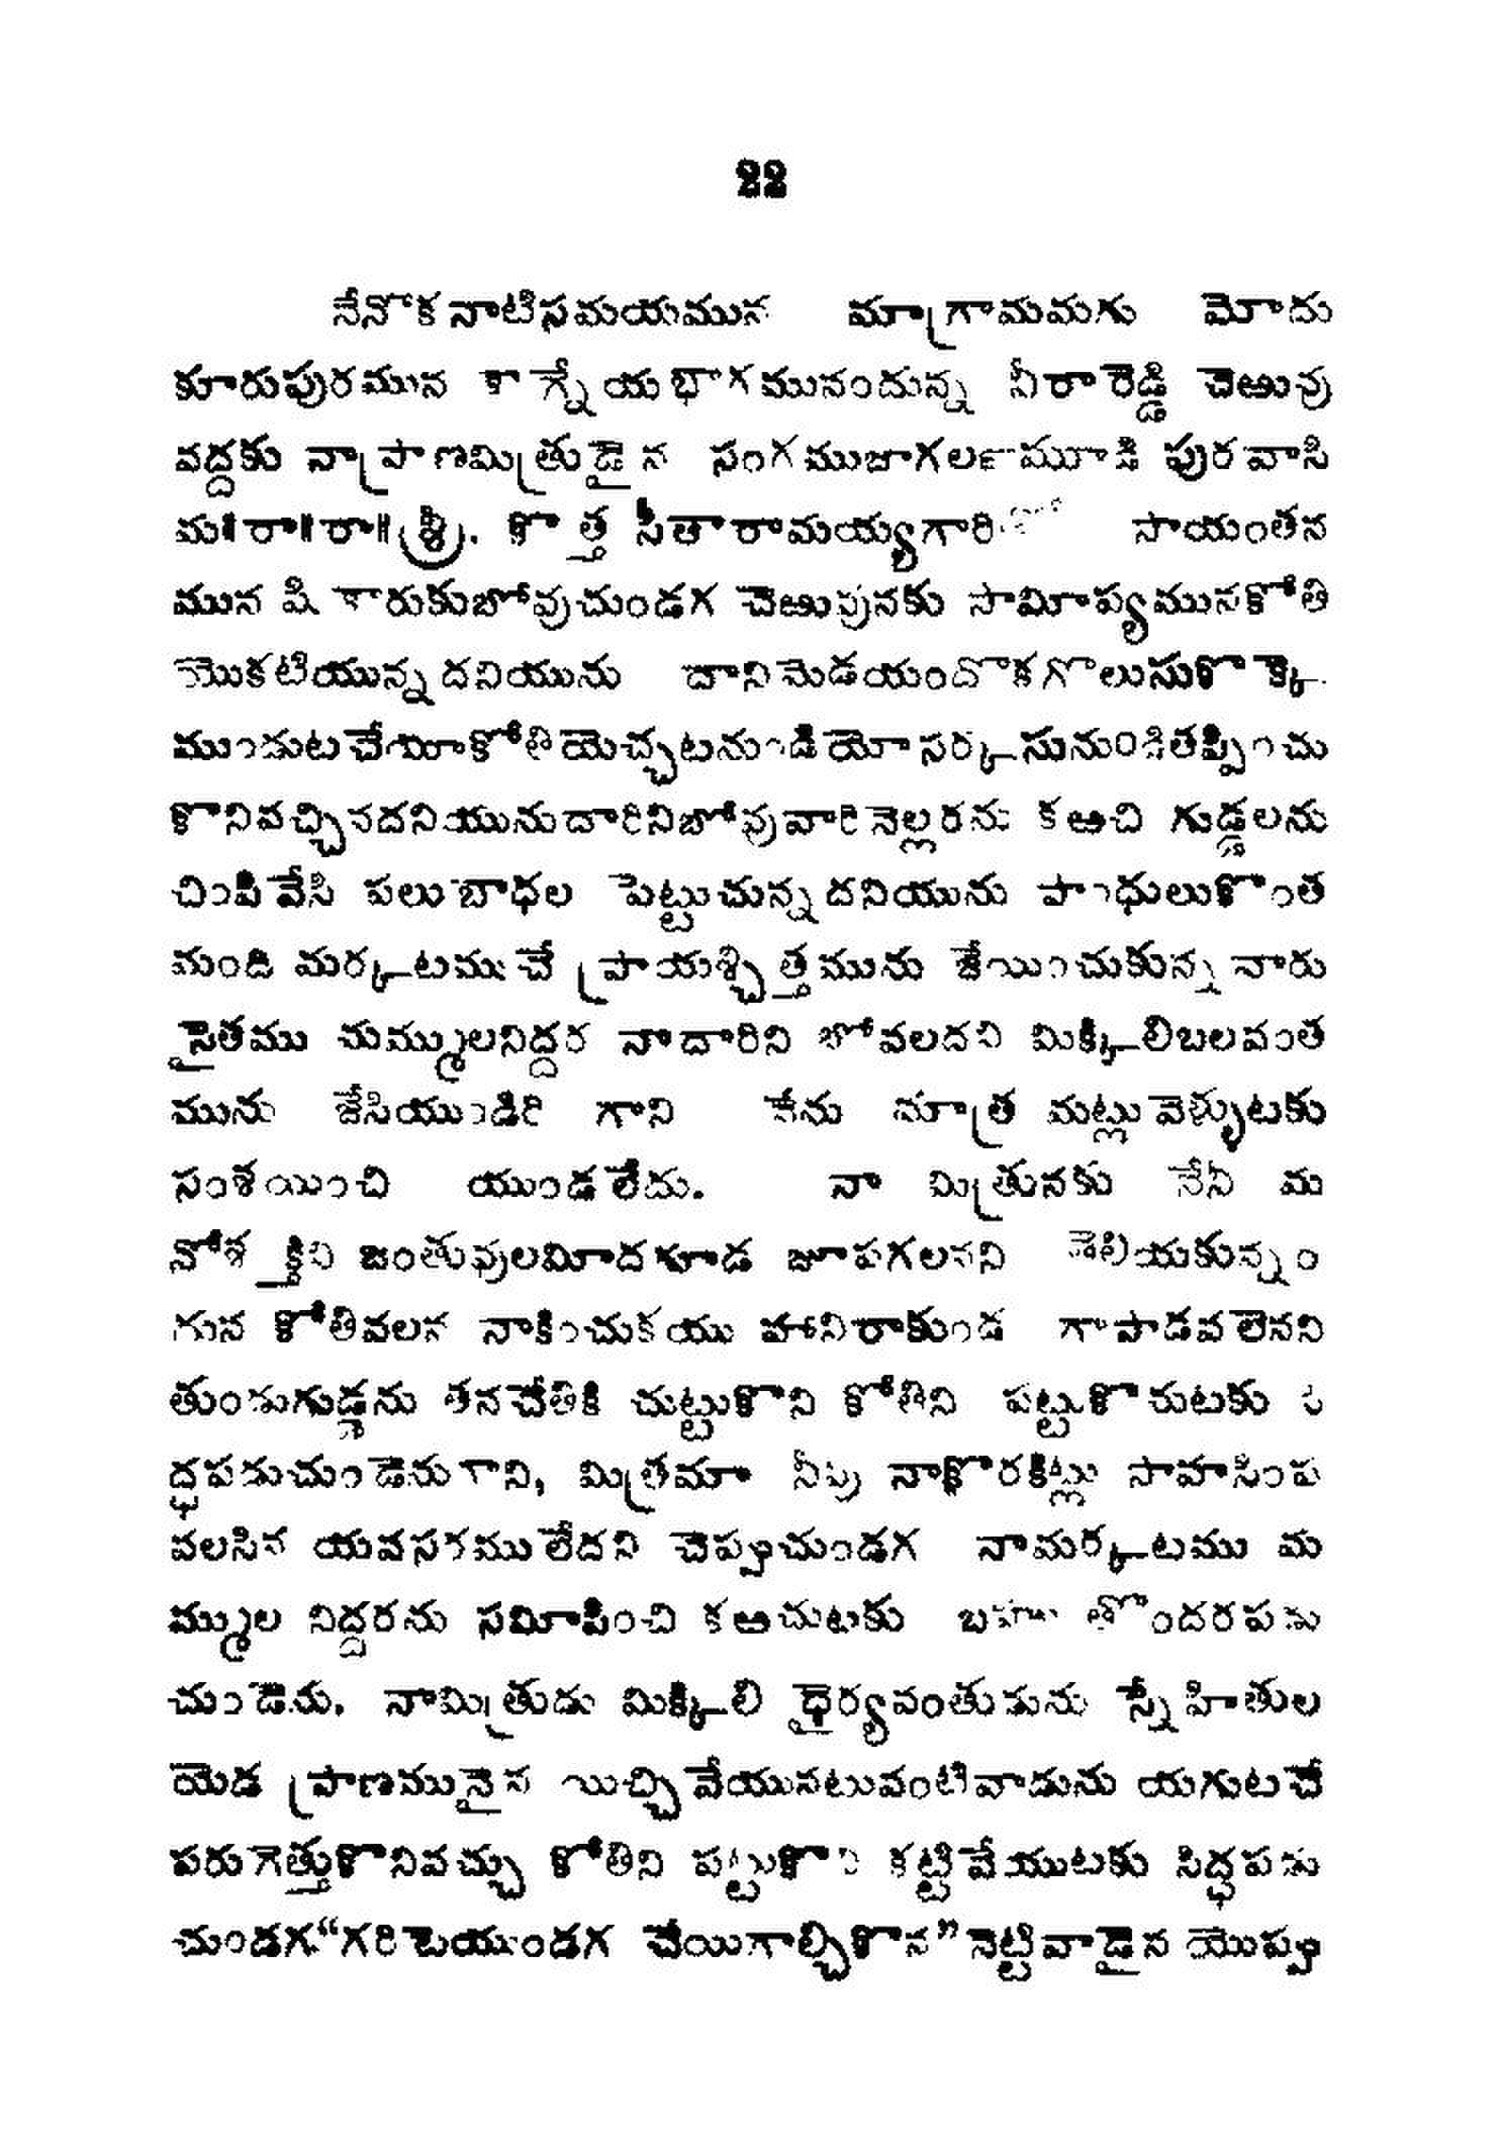నేనొకనాటిసమయమున మాగ్రామమగు మోదుకూరుపురమున కాగ్నేయభాగమునందున్న నీరారెడ్డి చెఱువు వద్దకు నాప్రాణమిత్రుడైన సంగముజాగలన్‌మూడి పురవాసి మ!రా!రా!శ్రీ. కొత్త సీతారామయ్యగారితో సాయంతనమున షికారుకుబోవుచుండగ చెఱువునకు సామీప్యమునకోతి
యొకటియున్నదనియును దానిమెడయందొకగొలుసుకొక్కె.ముండుటచే యాకోతియెచ్చటనుండియో సర్కసునుండితప్పించుకొనివచ్చినదనియును దారినిబోవువారినెల్లరను కఱచి గుడ్డలను చింపివేసి పలుబాధల పెట్టుచున్నదనియును పాంధులుకొంత మంది మర్కటముచే ప్రాయశ్చిత్తమును జేయించుకున్న వారు సైతము మమ్ములనిద్దర నాదారిని బోవలదని మిక్కిలిబలవంతమును
జేసియుండిరి గాని నేను మాత్ర మట్లువెళ్ళుటకు సంశయించి యుండలేదు. నా మిత్రునకు నేనీ మనోశక్తిని జంతువులమీదగూడ జూపగలనని తెలియకున్నందున కోతివలన నాకించుకయు హానిరాకుండ గాపాడవలెనని తుండుగుడ్డను తనచేతికి చుట్టుకొని కోతిని పట్టుకొనుటకు సిద్ధపడుచుండెనుగాని, మిత్రమా నీవు నాకొరకిట్లు సాహసింపవలసిన యవసరములేదని చెప్పుచుండగ నామర్కటము మమ్ముల నిద్దరను సమీపించి కఱచుటకు బహు తొందరపడు
చుండెను. నామిత్రుడు మిక్కిలి ధైర్యవంతుడును స్నేహితుల యెడ ప్రాణమునైన యిచ్చివేయునటు వంటివాడును యగుటచే పరుగెత్తుకొనివచ్చు కోతిని పట్టుకొని కట్టివేయుటకు సిద్ధపడుచుండగ “గరిటెయుండగ చేయిగాల్చికొన " నెట్టివాడైన యొప్పు